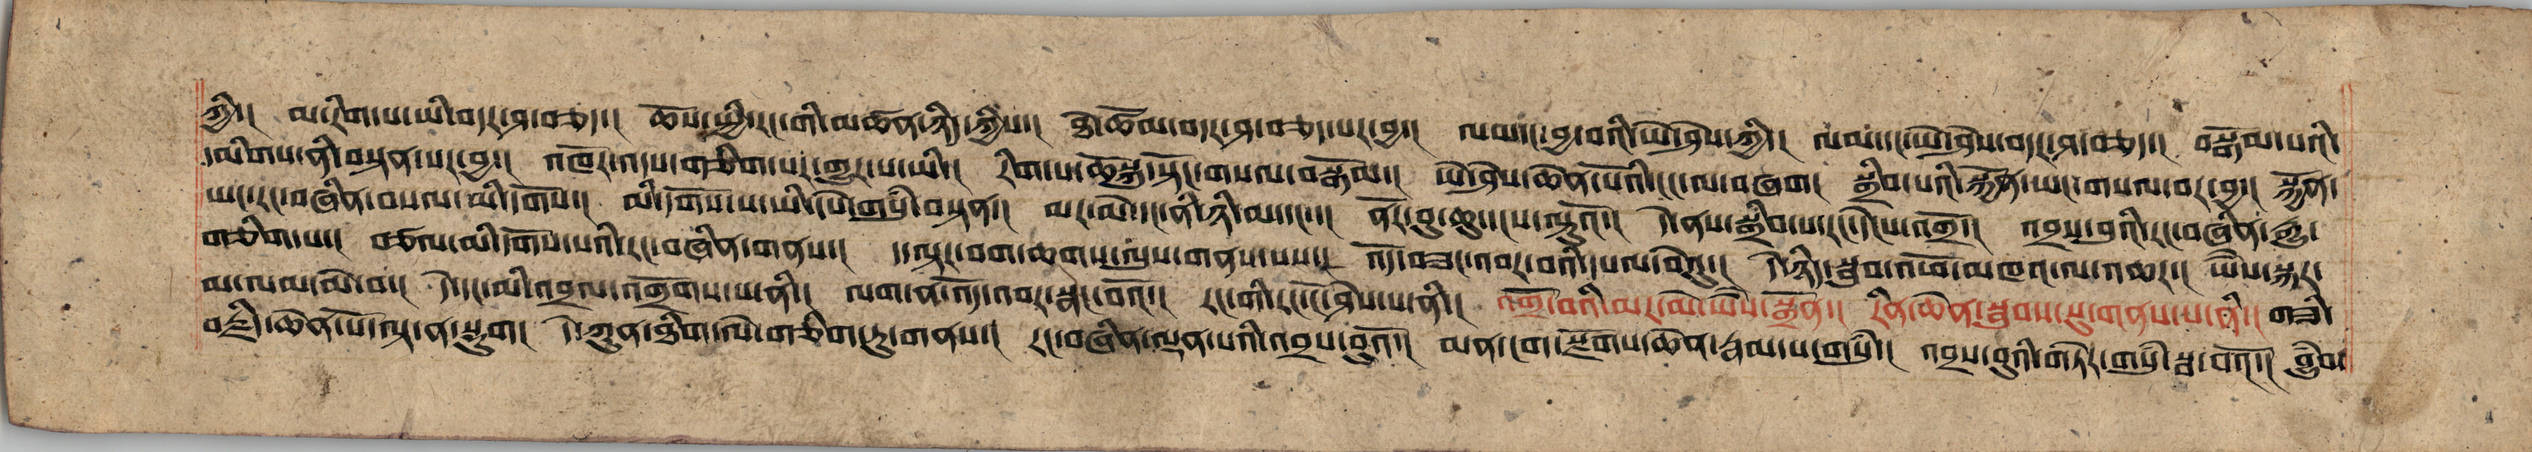ཀྱི་། མ་རིག་པ་ཡི་བདར་ཤ་བཅད་། ཆོས་སྤྱི་རང་གི་མཚན་ཉིད་ཀྱིས་། ཐེ་ཚོམ་བདར་ཤ་བཅད་པར་བྱ་། ལམ་དང་བྱ་བའི་ཡེ་ཤེས་ཀྱི་། ལམ་དང་ཡེ་ཤེས་བདར་ཤ་བཅད་། བསྒོམ་པའི་
དམིགས་ནི་བསྟན་པར་བྱ་། འཁོར་འདས་གཅིག་པར་གྱུར་པ་ཡི་། རིག་པ་ཆོསྐུ་སྟོང་གསལ་བསྒོམ་། ཡེ་ཤེས་ཆེན་པོའི་ངང་ལ་བཞག། སྒྲིབ་པའི་སྐྱོན་ཡང་གསལ་བར་བྱ་། སྐྱོན་
ཡང་རང་བཞིན་བསལ་མི་དགོས་། མི་དགོས་པ་ཡི་དཔེ་གསུཾ་བསྟན་། མར་མེ་དང་ནི་ཉི་མ་དང་་། ནོར་བུ་ཆུ་དངས་ལྟུའོ་། དེ་ནས་སྒྲིབ་པ་རང་དེངས་འགྲོ་། འབྲས་བུའི་རང་བཞིན་རྒྱུ་
གཅིག་པ་། བཙལ་མི་དགོས་པའི་རང་བཞིན་གནས་། ད་ལྟར་བག་ཆགས་ལུས་གནས་པས་། འོད་བཟང་འབར་བའི་དཔལ་བེའུ་། དེ་ཉིད་སྦུབ་འཕོ་མཁའ་ལ་འཆར་། ཡཻས་སྐར་
མ་ལམ་མེ་བ་། དེ་དང་མི་འབྲལ་འགྲོགས་པ་ནི་། ལག་ན་འོད་འབར་སྣང་བའོ་། རང་གི་རང་ངོ་ཤེས་པ་ནི་། འགྲོ་བའི་མར་མེ་ཡཻས་སྒྲོན་། རིན་ཆེན་སྦུབས་སུ་གནས་པ་ནི་། གཟི་
བརྗིད་ཆེན་པོ་ལྟ་ན་སྡུག། དེ་ཀུན་ཐིག་ལེ་གཅིག་ཏུ་གནས་། རང་བཞིན་ ལྡན་པའི་འབྲས་བུའོ་། མན་ངག་སྫོགས་ཆེན་རྣམ་པ་གསུཾ་། འབྲས་བུའི་གཏེར་གསུཾ་སྦ་བའོ་། བྱུཾབ་